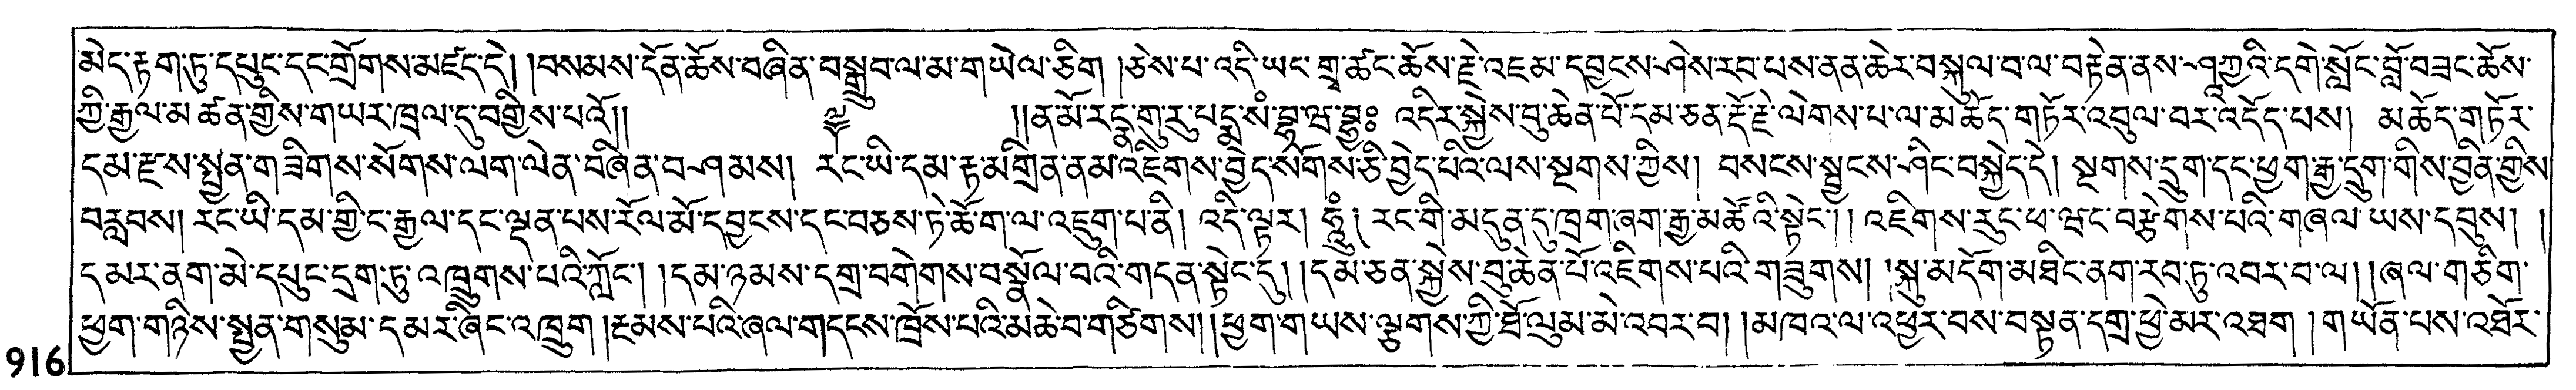མེད་རྟག་ཏུ་དཔུང་དང་གྲོགས་མཛད་དེ། །བསམས་དོན་ཆོས་བཞིན་བསྒྲུབ་ལ་མ་གཡེལ་ཅིག །ཅེས་པ་འདི་ཡང་གྲྭ་ཚང་ཆོས་རྗེ་འཇམ་དབྱངས་ཤེས་རབ་པས་ནན་ཆེར་བསྐུལ་བ་ལ་བརྟེན་ནས་ཤཱཀྱའི་དགེ་སློང་བློ་བཟང་ཆོས་
ཀྱི་རྒྱལ་མཚན་གྱིས་གཡར་ཁྲལ་དུ་བགྱིས་པའོ།། ༈ །།ན་མོ་རདྣ་གུ་རུ་པདམ་སཾ་བྷ་ཝ་བྷྱཿ འདིར་སྐྱེས་བུ་ཆེན་པོ་དམ་ཅན་རྡོ་རྗེ་ལེགས་པ་ལ་མཆོད་གཏོར་འབུལ་བར་འདོད་པས། མཆོད་གཏོར་
དམ་རྫས་སྤྱན་གཟིགས་སོགས་ལག་ལེན་བཞིན་བཤམས། རང་ཡི་དམ་རྟ་མགྲིན་ནམ་འཇིགས་བྱེད་སོགས་ཅི་བྱེད་པའི་ལས་སྔགས་ཀྱིས། བསངས་སྦྱངས་ཤིང་བསྐྱེད་དེ། སྔགས་དྲུག་དང་ཕྱག་རྒྱ་དྲུག་གིས་བྱིན་གྱིས་
བརླབས། རང་ཡི་དམ་གྱི་ང་རྒྱལ་དང་ལྡན་པས་རོལ་མོ་དབྱངས་དང་བཅས་ཏེ་ཆོ་ག་ལ་འཇུག་པ་ནི། འདི་ལྟར། ཧཱུཾ། རང་གི་མདུན་དུ་ཁྲག་ཞག་རྒྱ་མཚོའི་སྟེང་། །འཇིགས་རུང་ཕ་ཝང་བརྩེགས་པའི་གཞལ་ཡས་དབུས། །
དམར་ནག་མེ་དཔུང་དྲག་ཏུ་འཁྲུགས་པའི་ཀློང་། །དམ་ཉམས་དགྲ་བགེགས་བསྣོལ་བའི་གདན་སྟེང་དུ། །དམ་ཅན་སྐྱེས་བུ་ཆེན་པོ་འཇིགས་པའི་གཟུགས། །སྐུ་མདོག་མཐིང་ནག་རབ་ཏུ་འབར་བ་ལ། །ཞལ་གཅིག་
ཕྱག་གཉིས་སྤྱན་གསུམ་དམར་ཞིང་འཁྲུག །རྔམས་པའི་ཞལ་གདངས་ཁྲོས་པའི་མཆེ་བ་གཙིགས། །ཕྱག་གཡས་ལྕགས་ཀྱི་ཐོ་ལུམ་མེ་འབར་བ། །མཁའ་ལ་འཕྱར་བས་བསྟན་དགྲ་ཕྱེ་མར་འཐག །གཡོན་པས་འཐོར་